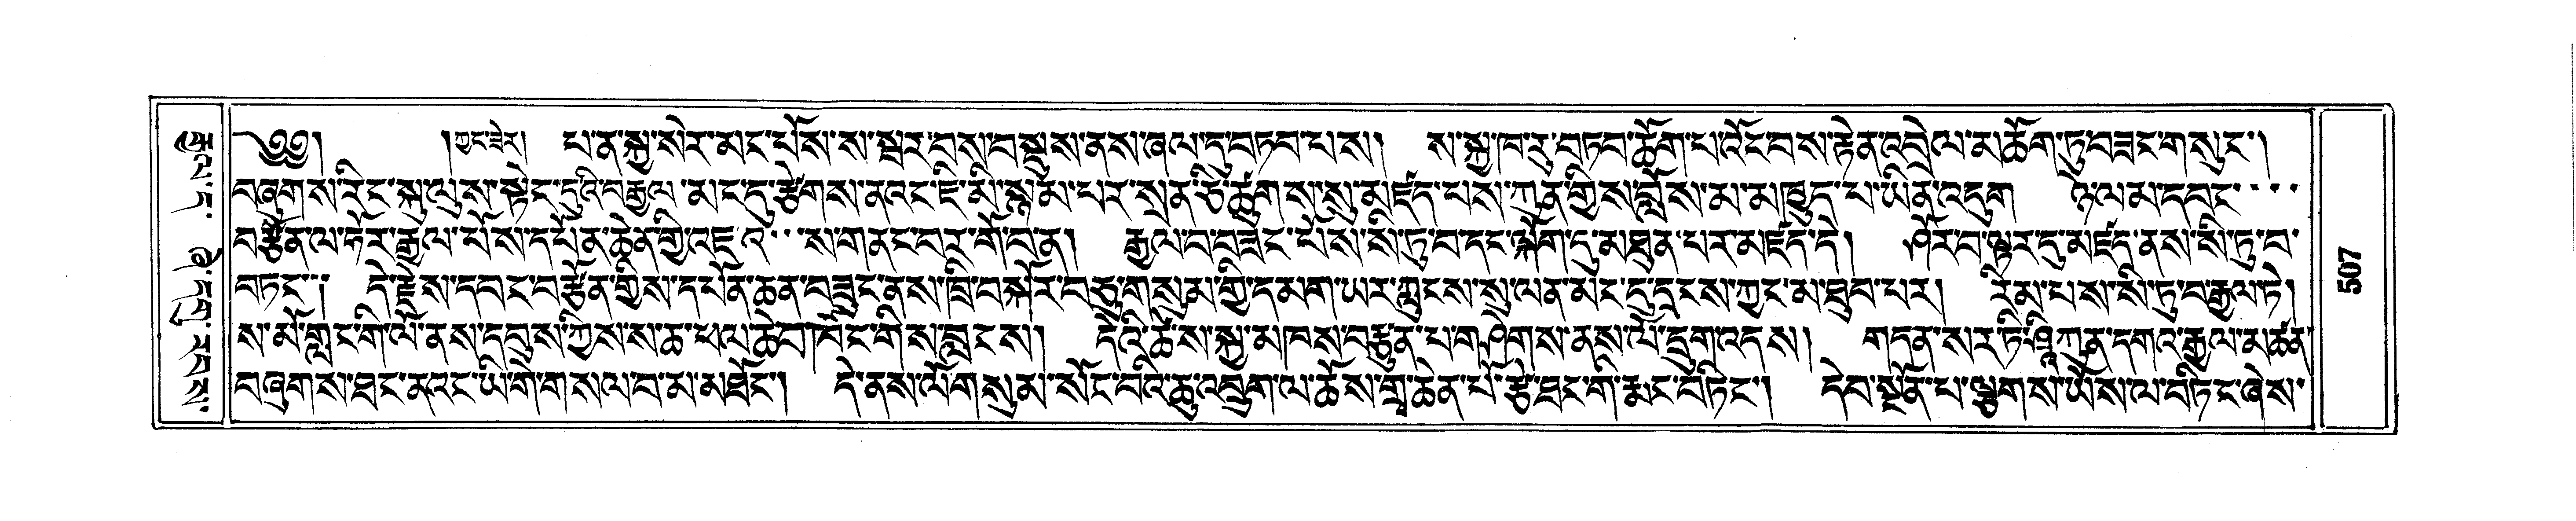༄༅། །ཀྱང་ཟེར།  པ་ན་སྐྱ་སེར་མང་པོས་ས་སྦར་བས་བསྡུས་ནས་ཞལ་དུ་བཏབ་པས། ས་སྐྱ་ཁ་རུ་བཏབ་ཆོག་པ་འོང་བས་རྟེན་འབྲེལ་མཆོག་ཏུ་བཟང་གསུང་།
བཞུགས་རིང་སྐུ་ལུས་སྟེང་དུའི་བརྒྱལ་མང་དུ་རྩེགས་ནའང་ཇི་མི་སྙམ་པར་སྲན་ཅི་ཚུགས་སུ་མཛད་པས་ཀུན་གྱིས་བློས་མ་མཁྱུད་པ་ཡིན་འདུག །ཉེ་ལམ་དབང་
བརྩོན་ལ་ཧོར་རྒྱལ་པོས་དཔོན་ཆེན་གྱི་འཇའ་ས་གནང་བར་གོ་བ་ན། རྒྱལ་བ་བཟང་པོས་སི་ཏུ་བ་དང་ལྐོག་དུ་མཐུན་པར་མཛད་དེ། ཤོར་བ་ལྟར་དུ་མཛད་ནས་སི་ཏུ་བ་
བཏང༑ དེ་རྗེས་དབང་བརྩོན་གྱིས་དཔོན་ཆན་བཟུང་ནས་ཁྲི་བསྐོར་བཅུ་གསུམ་གྱི་དམག་ཡར་ཀླུངས་སུ་ལན་མང་དུ་དྲངས་ཀྱང་མ་ཐུབ་པར། རིམ་པས་སི་ཏུ་བ་རྒྱལ་ཏེ།
ས་མོ་གླང་གི་ལོ་ནས་དབུས་ཀྱིས་ས་ཆ་ཕལ་ཆེ་བ་ཁོང་གིས་བླངས། དེའི་ཚེ་ས་སྐྱ་མཁས་བརྩུན་པ་གཤེགས་ནས་ལེ་དྲུག་འདས། གདན་སར་ཏི་ཤྲཱི་ཀུན་དགའ་རྒྱལ་མཚན་
བཞུགས་ཐང་ནའང་ཡི་གེ་གསལ་བ་མ་མཐོང་། དེ་ནས་ལོ་གསུམ་སོང་བའི་ཆུ་འབྲུག་ལ་ཆོས་གྲྭ་ཆེན་པོ་རྩེ་ཐང་གི་རྨང་བཏིང་། དེབ་སྔོན་པ་ལྕགས་ཡོས་ལ་བཏིང་ཞེས་